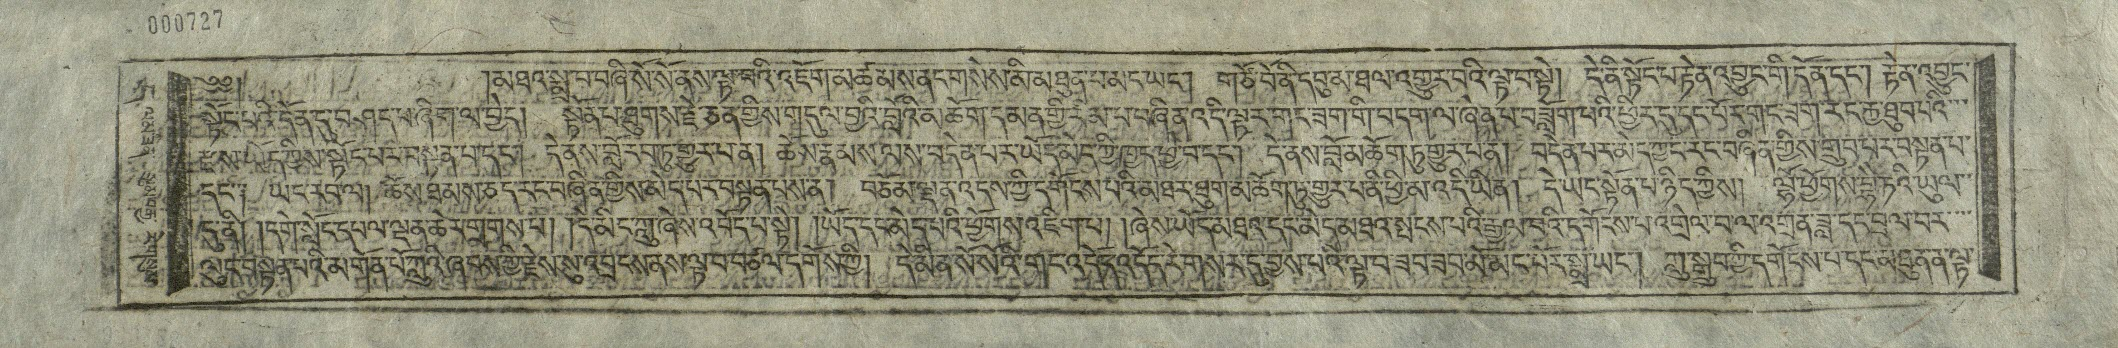༄༅། །མཐའ་སྨྲ་བ་བཞི་སོ་སོ་ནས་ལྟ་བའི་འཇོག་མཚམས་ནང་?་གསེས་མི་མཐུན་པ་མང་ཡང་། གཙོ་བོ་ན་དབུ་མ་ཐལ་འགྱུར་བའི་ལྟ་བ་སྟེ། དེ་ནི་སྟོང་པ་རྟེན་འབྱུང་གི་དོན་དང་། རྟེན་འབྱུང་
སྟོང་པའི་དོན་དུ་བཤད་པ་ཞིག་ལ་བྱེད། སྟོན་པ་ཐུགས་རྗེ་ཅན་གྱིས་གདུལ་བྱའི་བློའི་མཆོག་དམན་གྱི་རིམ་པ་བཞིན་འདི་ལྟར་གང་ཟག་གི་བདག་ལ་ཞེན་པ་བཟློག་པའི་ཕྱིར་དུ་དང་པོར་གང་ཟག་རང་རྐྱ་ཐུབ་པའི་
རྫས་ཡོད་ཀྱིས་སྟོང་པར་བསྟན་པ་དང་། དེ་ནས་བློ་རབ་ཏུ་གྱུར་པ་ན། ཆོས་རྣམས་ལས་བདེན་པར་ཡོད་མེད་ཀྱི་ཁྱད་ཕྱེ་བ་དང་། དེ་ནས་བློ་མཆོག་ཏུ་གྱུར་པ་ན། བདེན་པར་མེད་ཀྱང་རང་བཞིན་གྱིས་གྲུབ་པར་བསྟན་པ་
དང༑ ཡང་རབ་ལ། ཆོས་ཐམས་ཅད་རང་བཞིན་གྱིས་མེད་པར་བསྟན་པས་ན། བཅོམ་ལྡན་འདས་ཀྱི་དགོངས་པའི་མཐར་ཐུག་མཆོག་ཏུ་གྱུར་པ་ནི་ཕྱི་མ་འདི་ཡིན། དེ་ཡང་སྟོན་པ་ཉིད་ཀྱིས། ལྷོ་ཕྱོགས་བྷཻ་ཏའི་ཡུལ་
དུ་ནི། །དགེ་སློང་དཔལ་ལྡན་ཆེར་གྲགས་པ། །དེ་མིང་ཀླུ་ཞེས་འབོད་པ་སྟེ། །ཡོད་དང་མེད་པའི་ཕྱོགས་འཇིག་པ། །ཞེས་ཡོད་མཐའ་དང་མེད་མཐའ་སྤངས་པའི་རྒྱལ་བའི་དགོངས་པ་འགྲེལ་བ་ལ་འགྲན་ཟླ་དང་བྲལ་བར་
ལུང་བསྟན་པའི་མགོན་པོ་ཀླུའི་ཞབས་ཀྱི་རྗེས་སུ་འབྲངས་ནས་ལྟ་བ་བཙལ་དགོས་ཀྱི། དེ་མིན་སོ་སོའི་གང་འདོད་འདོད་རེ་གསར་དུ་བྱས་པའི་ལྟ་བ་ཟབ་ཟབ་མོ་མང་པོར་སྨྲ་ཡང་། ཀླུ་སྒྲུབ་ཀྱི་དགོངས་པ་དང་མཐུན་ན་ལྟ་